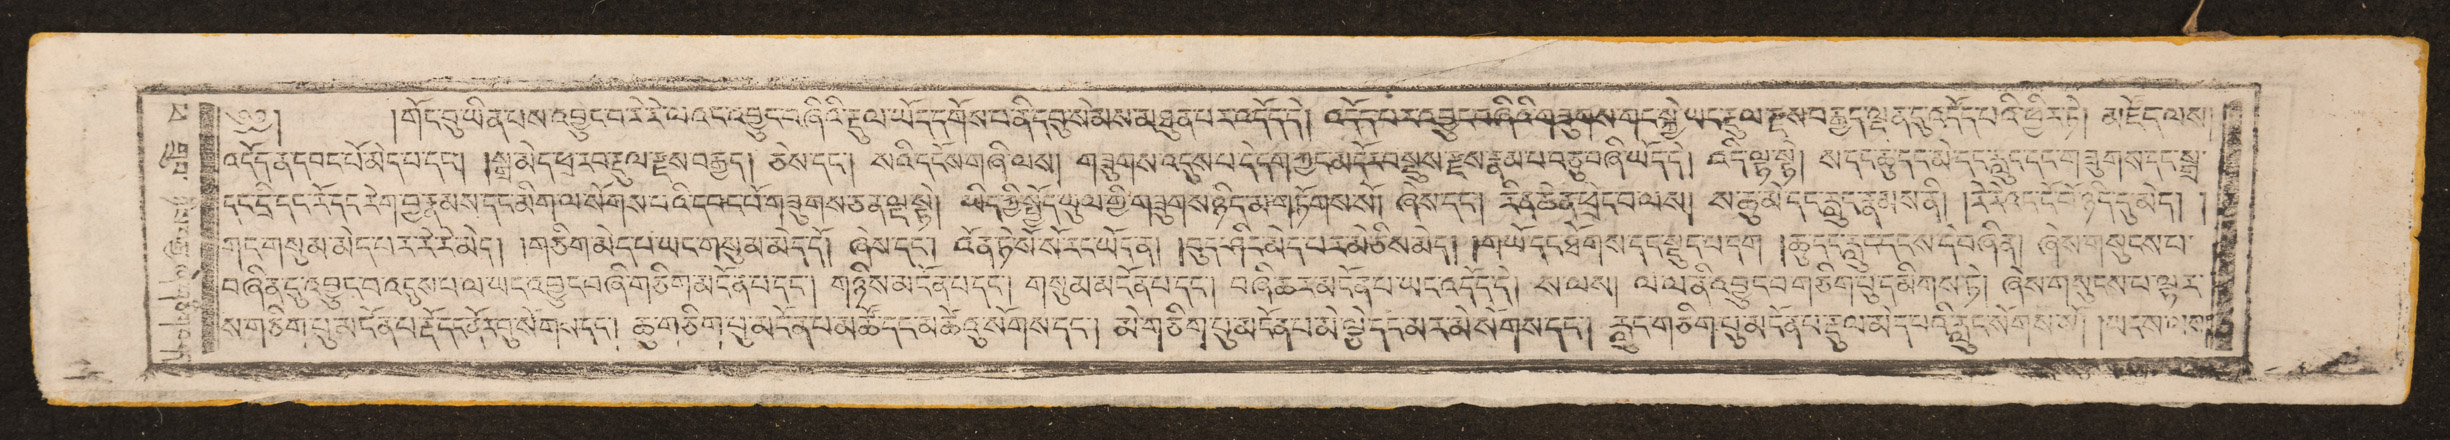༄༅། །གོང་བུ་ཡིན་པས་འབྱུང་བ་རེ་རེ་ལའང་འབྱུང་བཞིའི་རྡུལ་ཡོད་དགོས་པ་ནི་དབུ་སེམས་མཐུན་པར་འདོད་དེ། འདོད་པར་འབྱུང་བཞིའི་གཟུགས་གང་སྐྱེ་ཡང་རྡུལ་རྫས་བརྒྱད་ལྡན་དུ་འདོད་པའི་ཕྱིར་ཏེ། མཛོད་ལས།
འདོད་ན་དབང་པོ་མེད་པ་དང་། །སྒྲ་མེད་ཕྲ་རབ་རྡུལ་རྫས་བརྒྱད། ཅེས་དང་། སའི་དངོས་གཞི་ལས། གཟུགས་འདུས་པ་དེ་དག་ཀྱང་མདོར་བསྡུས་རྫས་རྣམ་པ་བཅུ་བཞི་ཡོད་དེ། འདི་ལྟ་སྟེ། ས་དང་ཆུ་དང་མེ་དང་རླུང་དང་གཟུགས་དང་སྒྲ་
དང་དྲི་དང་རོ་དང་རིག་བྱ་རྣམས་དང་མིག་ལ་སོགས་པའི་དབང་པོ་གཟུགས་ཅན་ལྔ་སྟེ། ཡིད་ཀྱི་སྤྱོད་ཡུལ་གྱི་གཟུགས་ཉིད་མ་གཏོགས་སོ། ཞེས་དང་། རིན་ཆེན་ཕྲེང་བ་ལས། ས་ཆུ་མེ་དང་རླུང་རྣམས་ནི། །རེ་རེའང་ངོ་བོ་ཉིད་དུ་མེད།།
གང་གསུམ་མེད་པར་རེ་རེ་མེད། །གཅིག་མེད་པ་ཡང་གསུམ་མེད་དོ། ཞེས་དང་། འོན་ཏེ་སོ་སོ་རང་ཡོད་ན། །བུད་ཤིང་མེད་པར་མེ་ཅིས་མེད། །གཡོ་དང་ཐོགས་དང་སྡུད་པ་དག །ཆུ་དང་རླུང་དངས་དེ་བཞིན། ཞེས་གསུངས་པ་
བཞིན་དུ་འབྱུང་བ་འདུས་པ་ལ་ཡང་འབྱུང་བཞི་གཅིག་མངོན་པ་དང་། གཉིས་མངོན་པ་དང་། གསུམ་མངོན་པ་དང་། བཞི་ཆར་མངོན་པ་ཡང་འདོད་དེ། ས་ལས། ལ་ལ་ནི་འབྱུང་བ་གཅིག་པུ་དམིགས་ཏེ། ཞེས་གསུངས་པ་ལྟར་
ས་གཅིག་པུ་མངོན་པ་རྡོ་དང་ནོར་བུ་སོགས་དང་། ཆུ་གཅིག་པུ་མངོན་པ་མཚོ་དང་མཆོའུ་སོགས་དང་། མེ་གཅིག་པུ་མངོན་པ་མེ་ལྕེ་དང་མར་མེ་སོགས་དང་། རླུང་གཅིག་པུ་མངོན་པ་རྡུལ་མེད་པའི་རླུང་སོགས་སོ། །ཡངས་ལས་